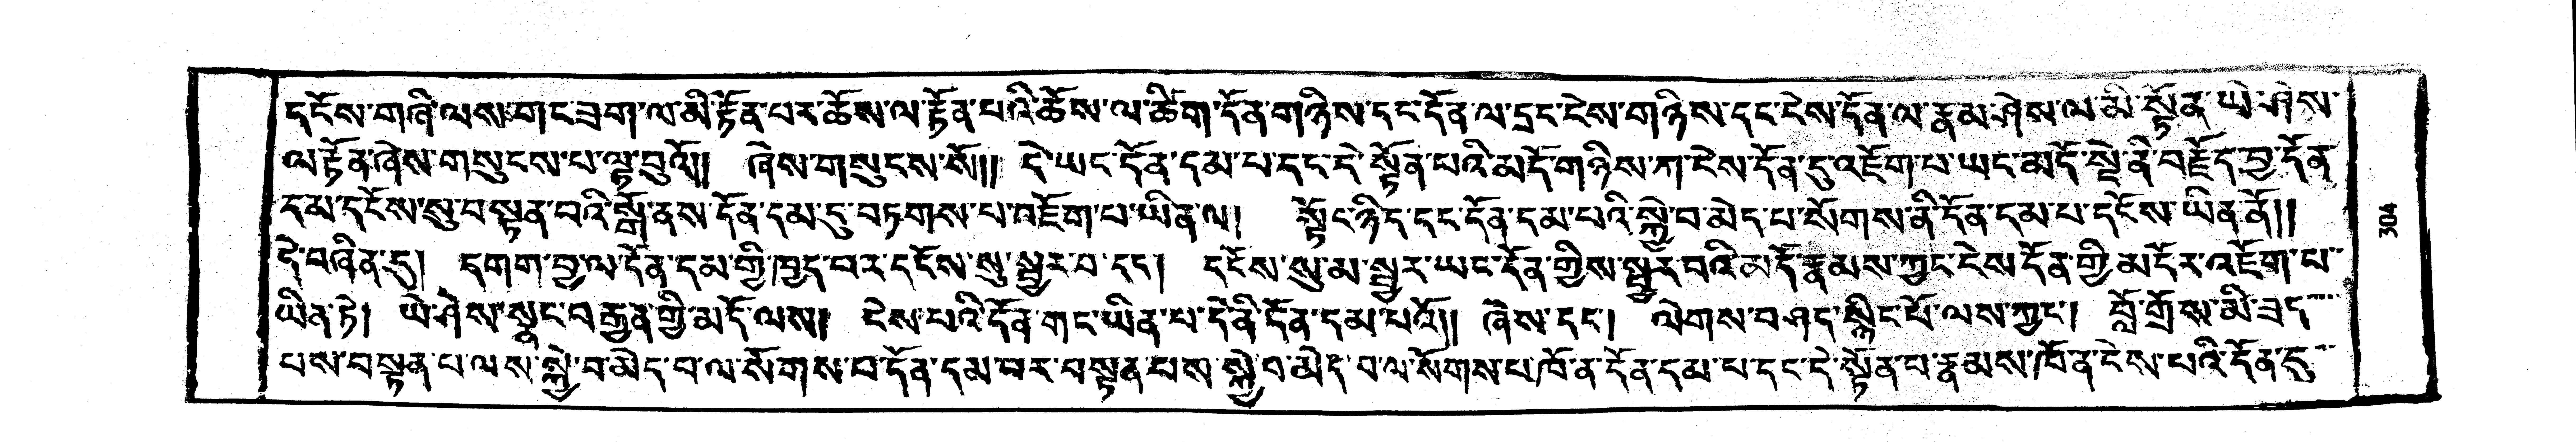དངོས་གཞི་ལས་གང་ཟག་ལ་མི་རྟོན་པར་ཆོས་ལ་རྟོན་པའི་ཆོས་ལ་ཚིག་དོན་གཉིས་དང་དོན་ལ་དྲང་ངེས་གཉིས་དང་ངེས་དོན་ལ་རྣམ་ཤེས་ལ་མི་སྟོན་ཡེ་ཤེས་
ལ་རྟོན་ཞེས་གསུངས་པ་ལྟ་བུའོ། །ཞེས་གསུངས་སོ། །དེ་ཡང་དོན་དམ་པ་དང་དེ་སྟོན་པའི་མདོ་གཉིས་ཀ་ངེས་དོན་དུ་འཇོག་པ་ཡང་མདོ་སྡེ་ནི་བརྗོད་བྱ་དོན་
དམ་དངོས་སུ་བསྟན་པའི་སྒོ་ནས་དོན་དམ་དུ་བཏགས་པ་འཇོག་པ་ཡིན་ལ། སྟོང་ཉིད་དང་དོན་དམ་པའི་སྐྱེ་བ་མེད་པ་སོགས་ནི་དོན་དམ་པ་དངོས་ཡིན་ནོ། །
དེ་བཞིན་དུ། དགག་བྱ་ལ་དོན་དམ་གྱི་ཁྱད་པར་དངོས་སུ་སྦྱར་བ་དང་། དངོས་སུ་མ་སྦྱར་ཡང་དོན་གྱིས་སྦྱར་བའི་མདོ་རྣམས་ཀྱང་ངེས་དོན་གྱི་མདོར་འཇོག་པ་
ཡིན་ཏེ། ཡེ་ཤེས་སྣང་བརྒྱན་གྱི་མདོ་ལས། ངེས་པའི་དོན་གང་ཡིན་པ་དེ་ནི་དོན་དམ་པའོ། །ཞེས་དང་། ལེགས་བཤད་སྙིང་པོ་ལས་ཀྱང་། བློ་གྲོས་མི་ཟད་
པས་བསྟན་པ་ལས་སྐྱེ་བ་མེད་པ་ལ་སོགས་པ་དོན་དམ་པར་བསྟན་པས་སྐྱེ་བ་མེད་པ་ལ་སོགས་པ་ཁོ་ན་དོན་དམ་པ་དང་དེ་སྟོན་པ་རྣམས་ཁོ་ན་ངེས་པའི་དོན་དུ་